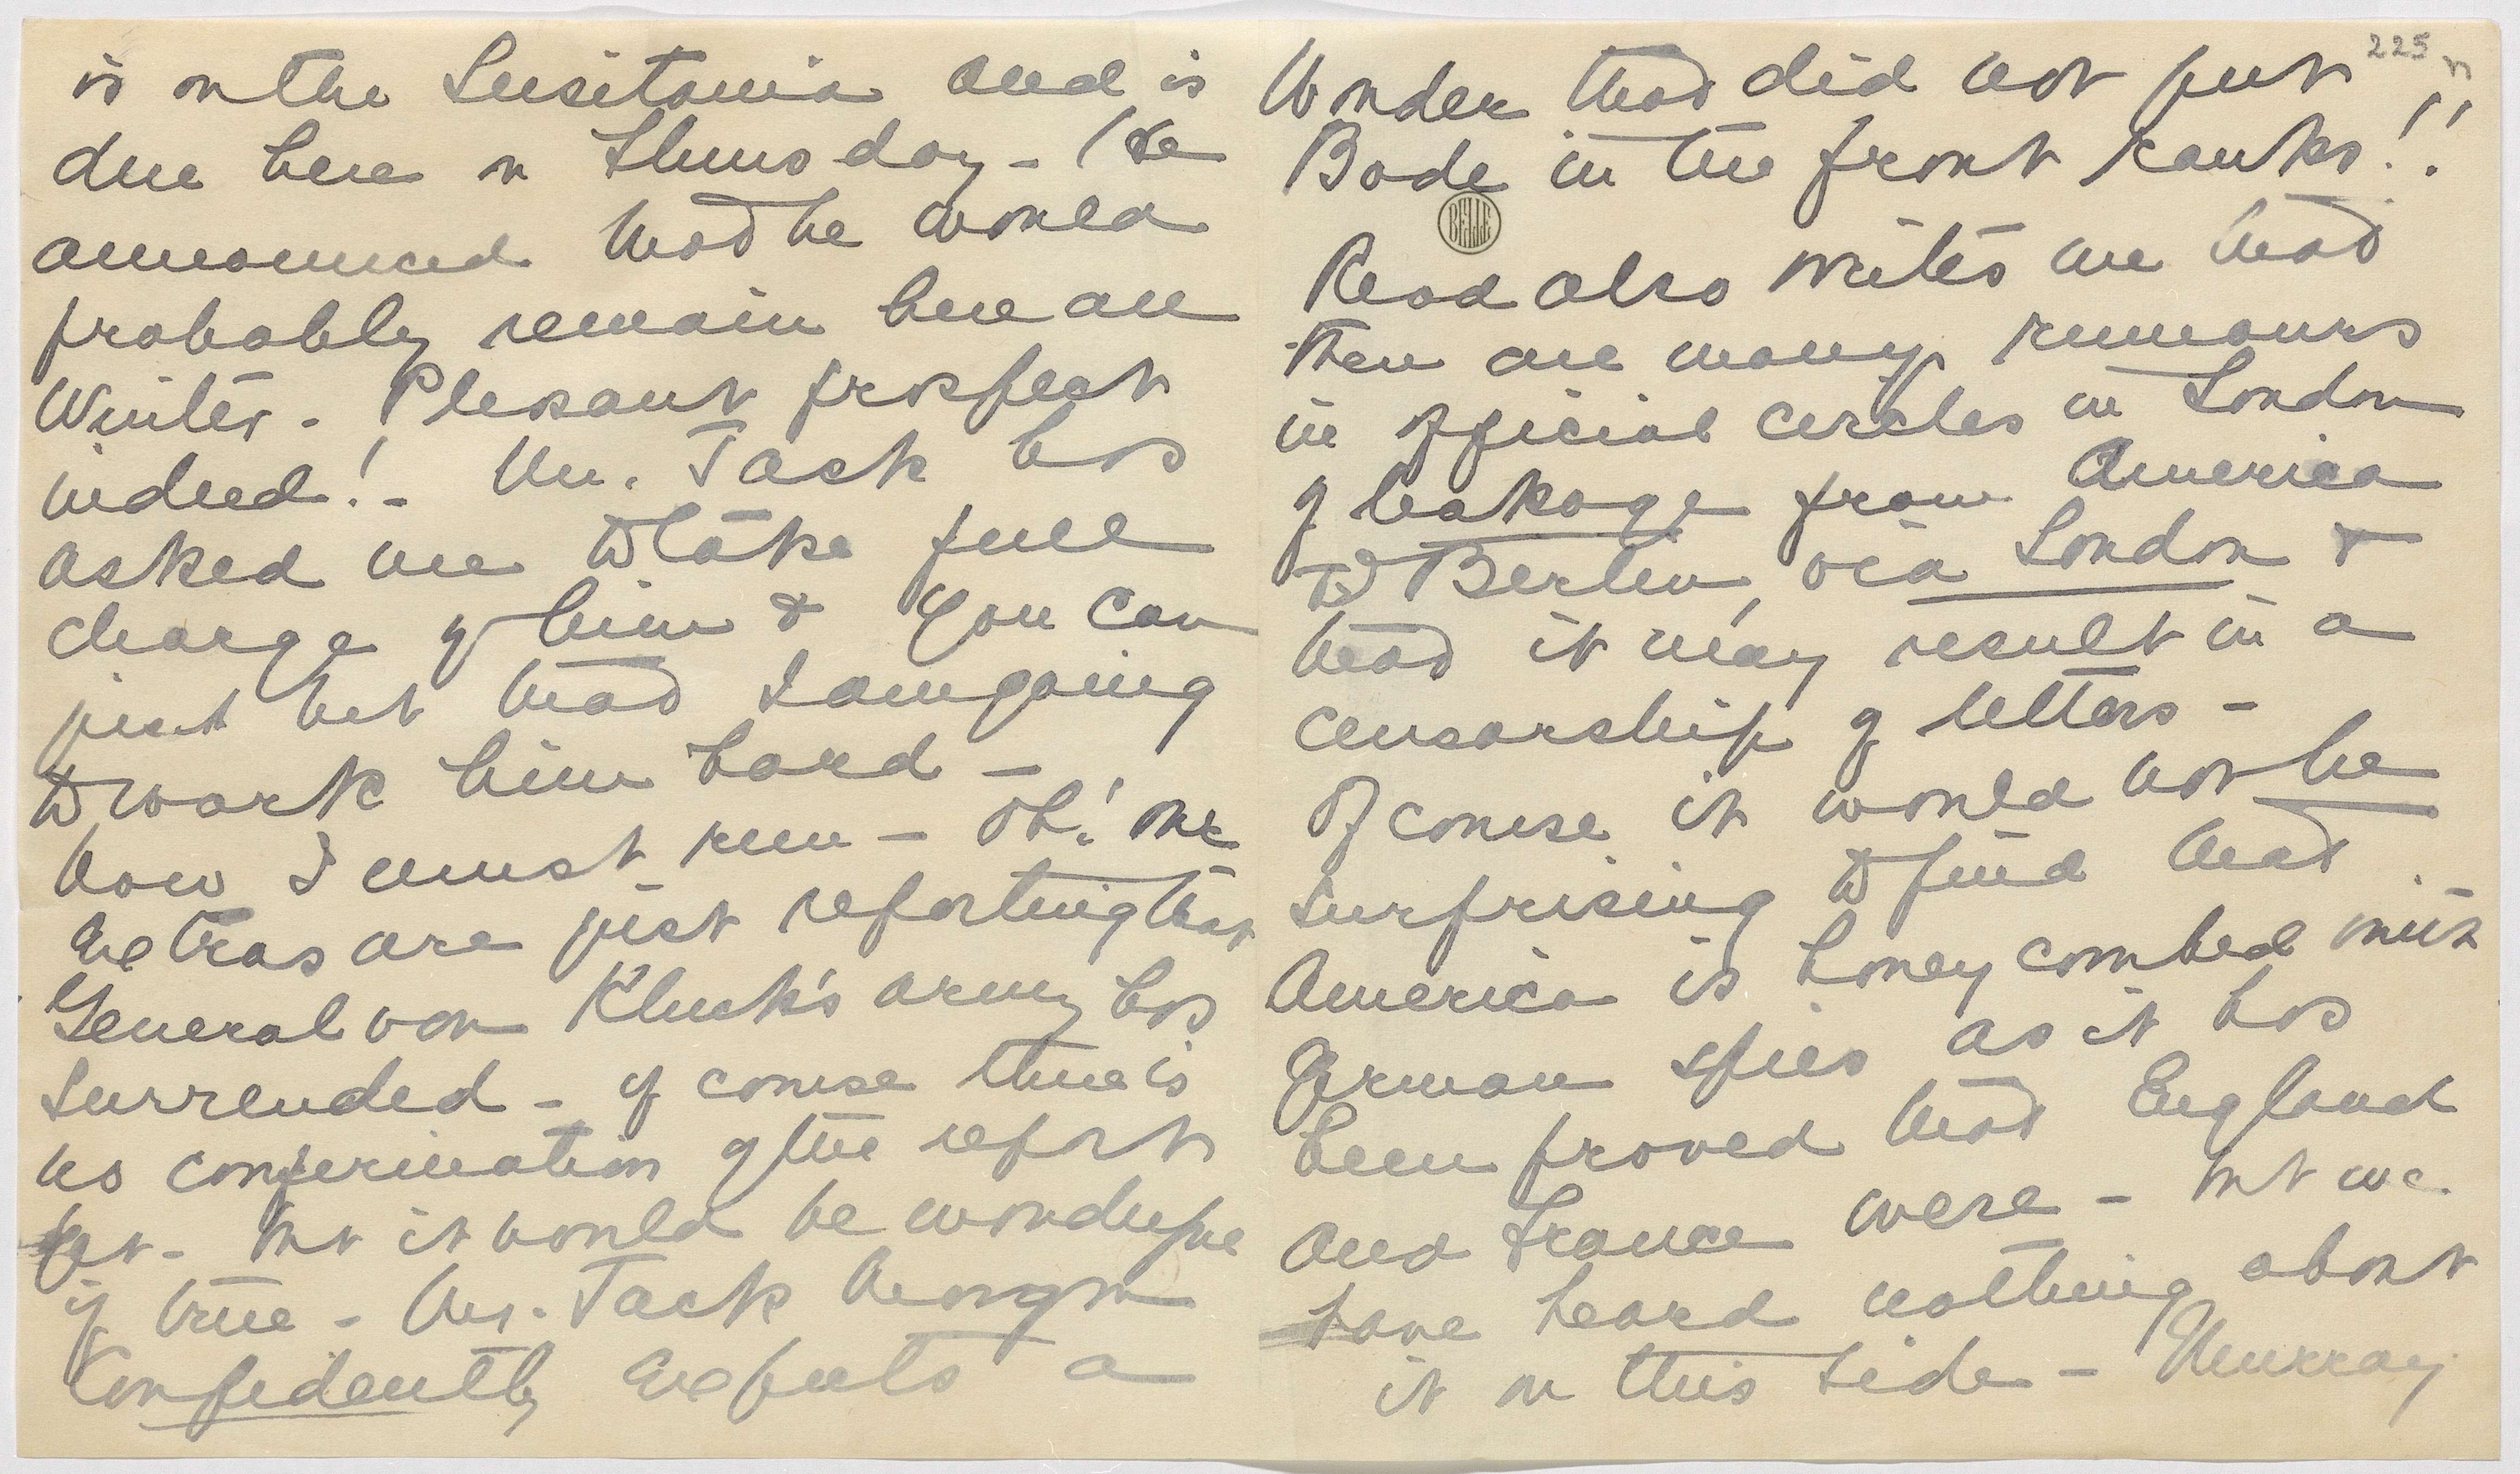Wonder that did not put Bode in the front ranks!! Read also writes me that there are many rumours [sic] in official circles in London of leakage from America to Berlin, via London & that it may result in a censorship of letters – Of course it would not be surprising to find that America is honeycombed with German spies as it has been proved that England and France were – but we have heard nothing about it on this side – Murray
is on the Lusitania and is due here on Thursday – He announced that he would probably remain here all Winter. Pleasant prospect indeed! – Mr. Jack has asked me to take full charge of him & you can just bet that I am going to work him hard –
Now I must run – Oh! The extras are just reporting that General von Kluck’s army has surrendered – of course there is no confirmation of the report yet – but it would be wonderful if true – Mr. Jack Morgan confidently expects a